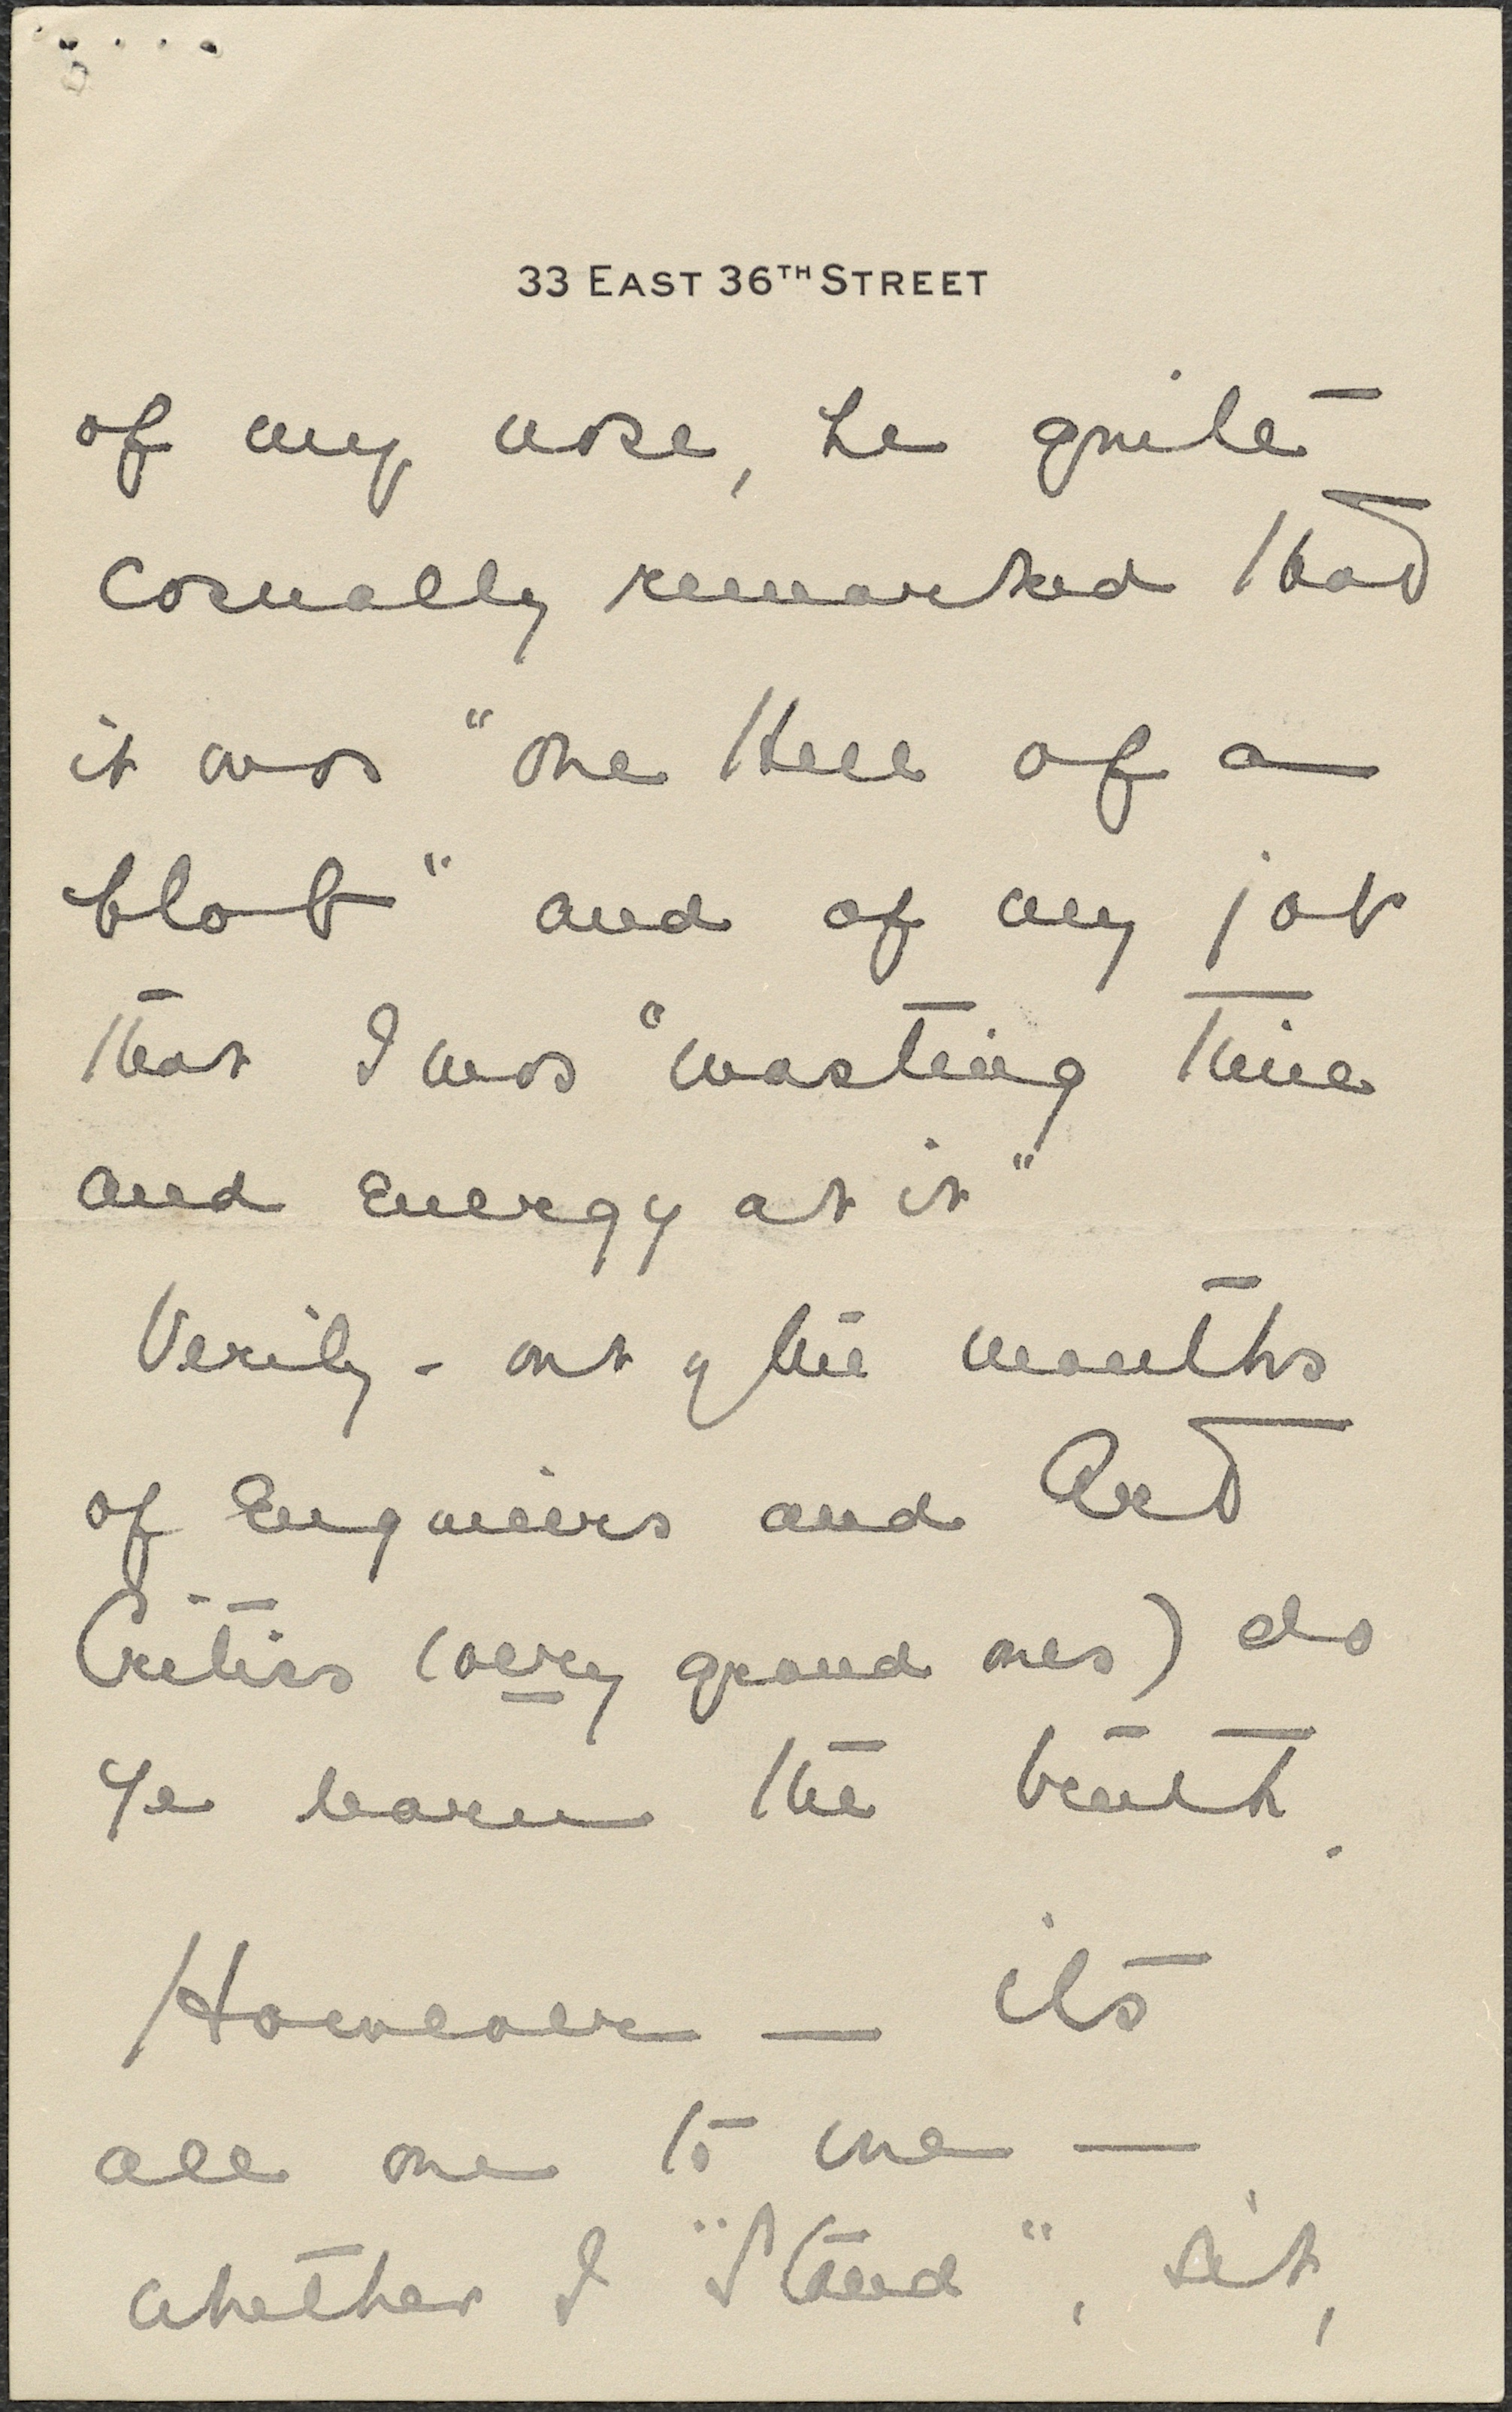of my nose, he quite casually remarked that it was "one Hell of a blob" and of my job that I was "wasting time and energy at it"
Verily – out of the mouths of Engineers and Art Critics (very grand ones) do ye learn the truth.
However – it's all one to me – whether I "Stand", sit,